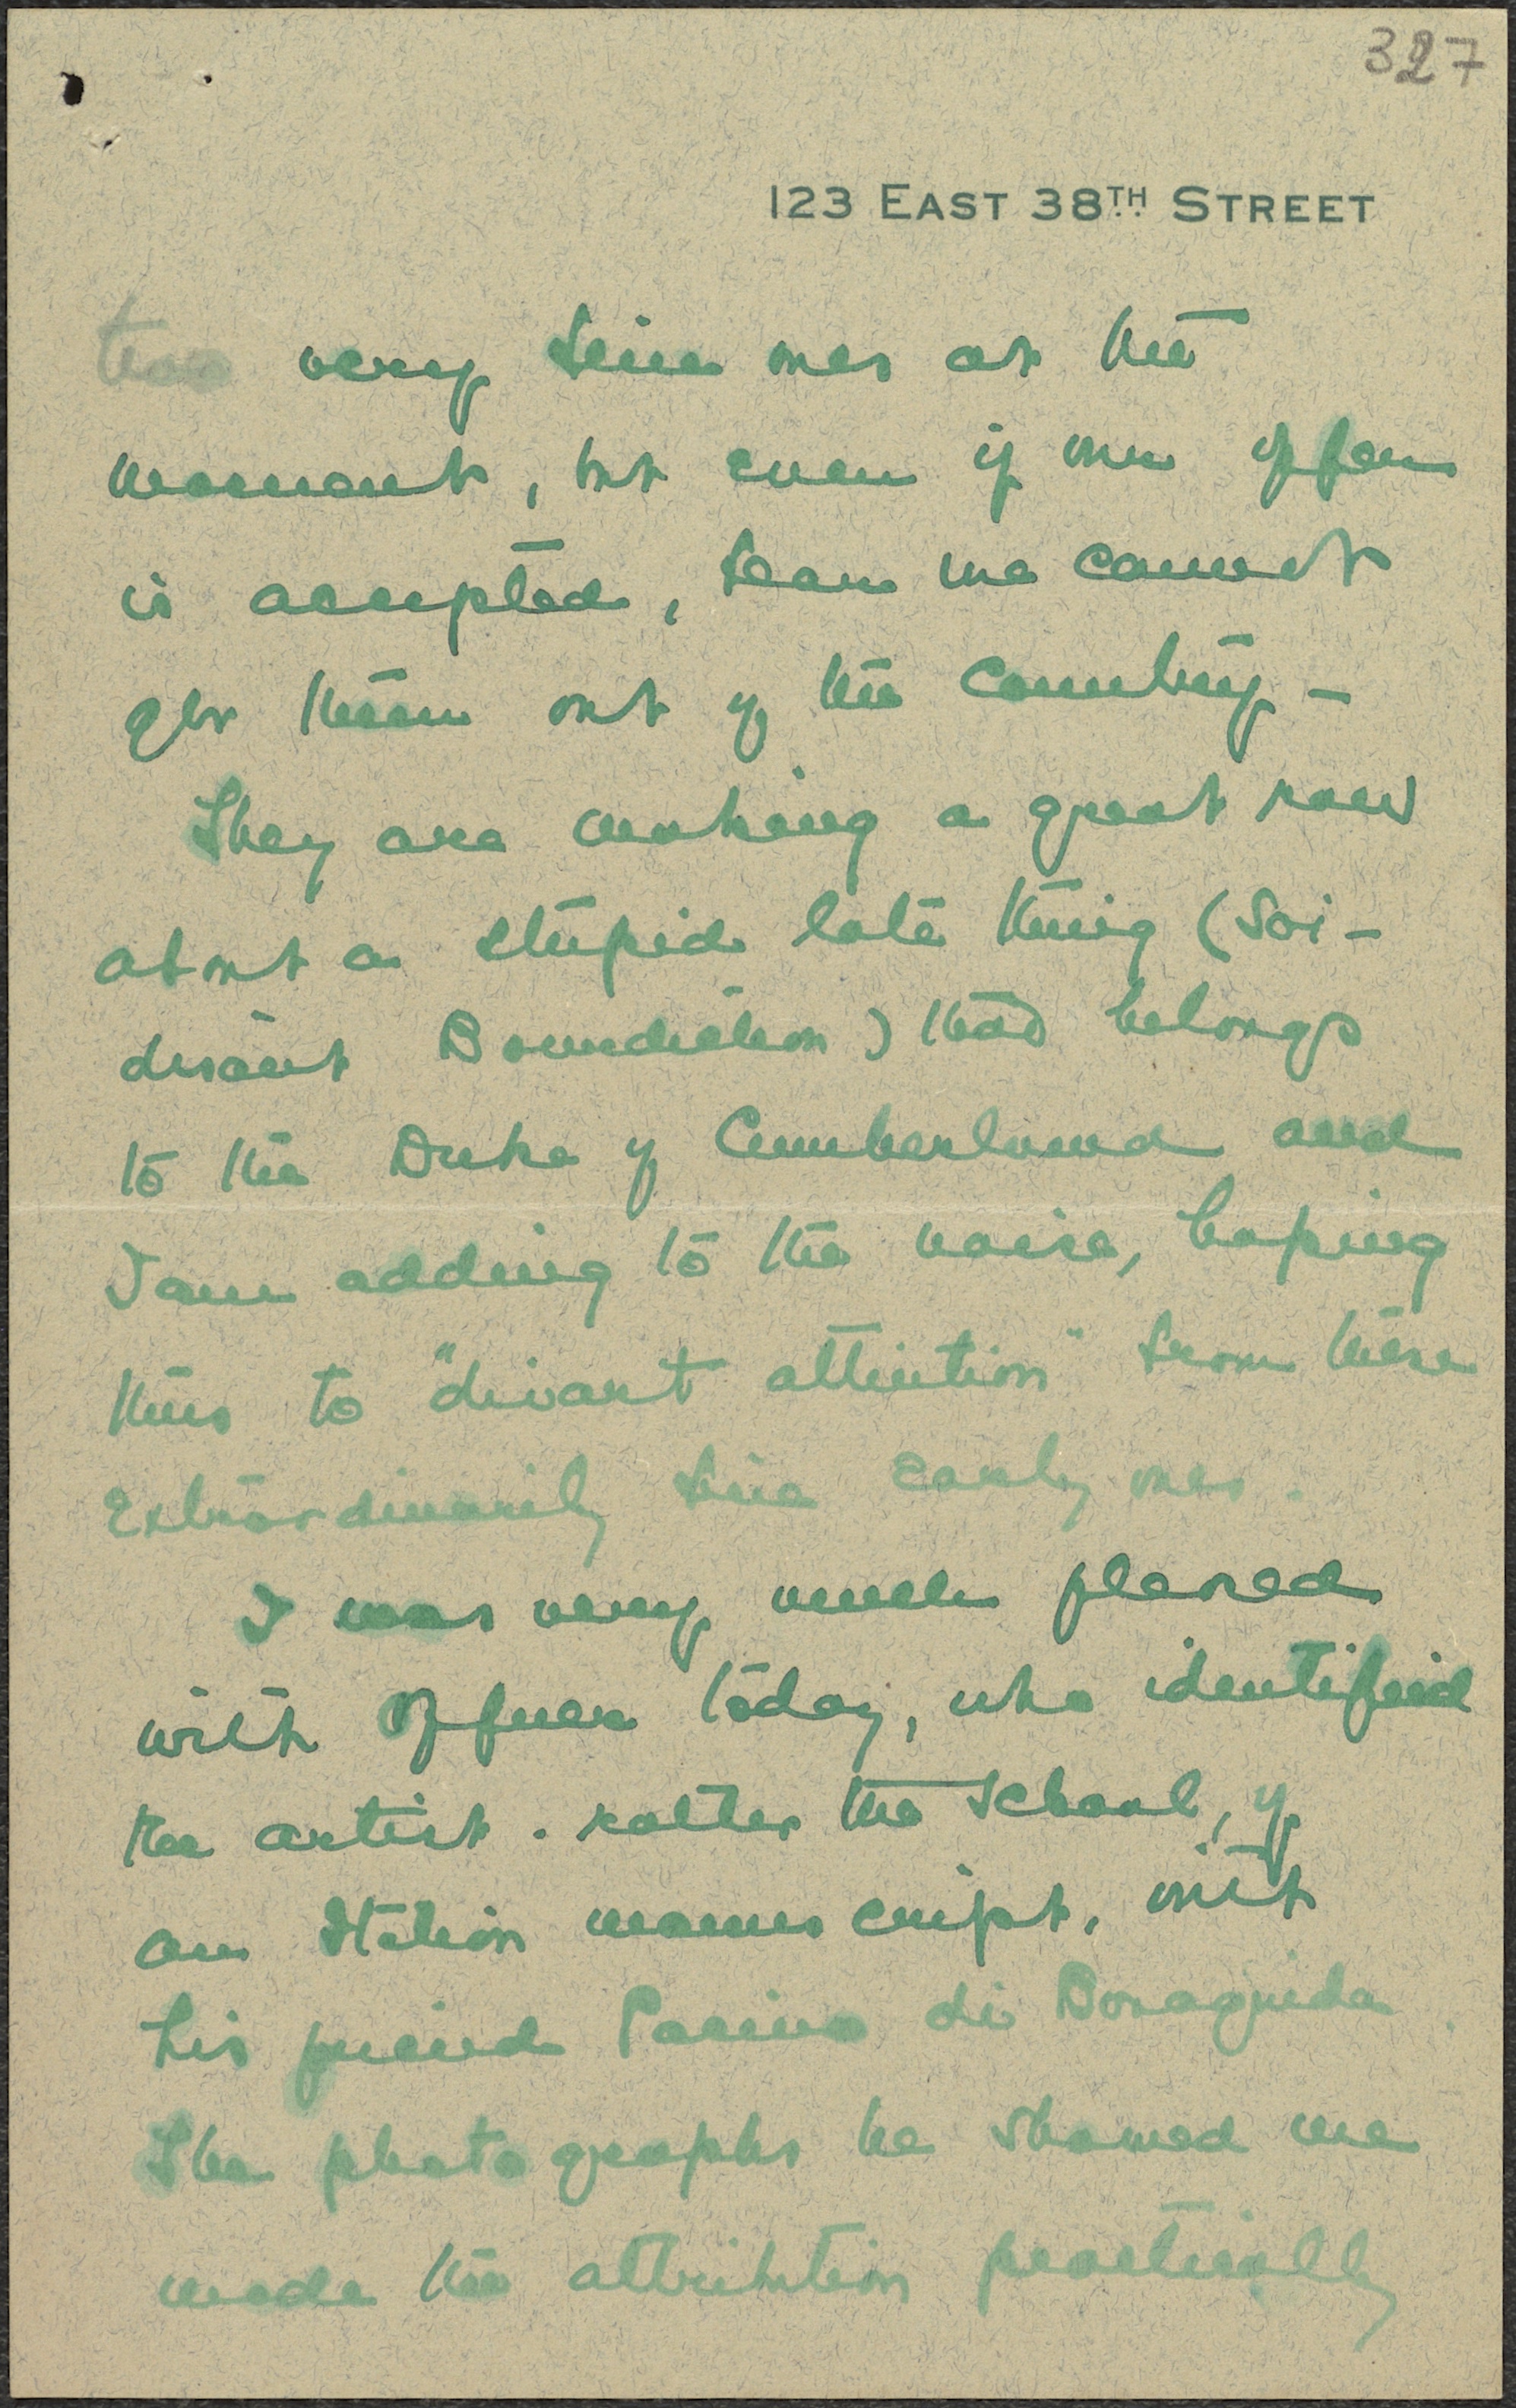two very fine ones at the moment, but even if our offer is accepted, fear we cannot get them out of the country –
They are making a great row about a stupid late thing (soi-disant Bourdichon) that belongs to the Duke of Cumberland and I am adding to the noise, hoping this to “divart [sic] attention” from these extraordinarily fine early ones.
I was very much pleased with Offner today, who identified the artist – rather the school, of an Italian manuscript, with his friend Pacino di Bonaguida. The photographs he showed me made the attribution practically